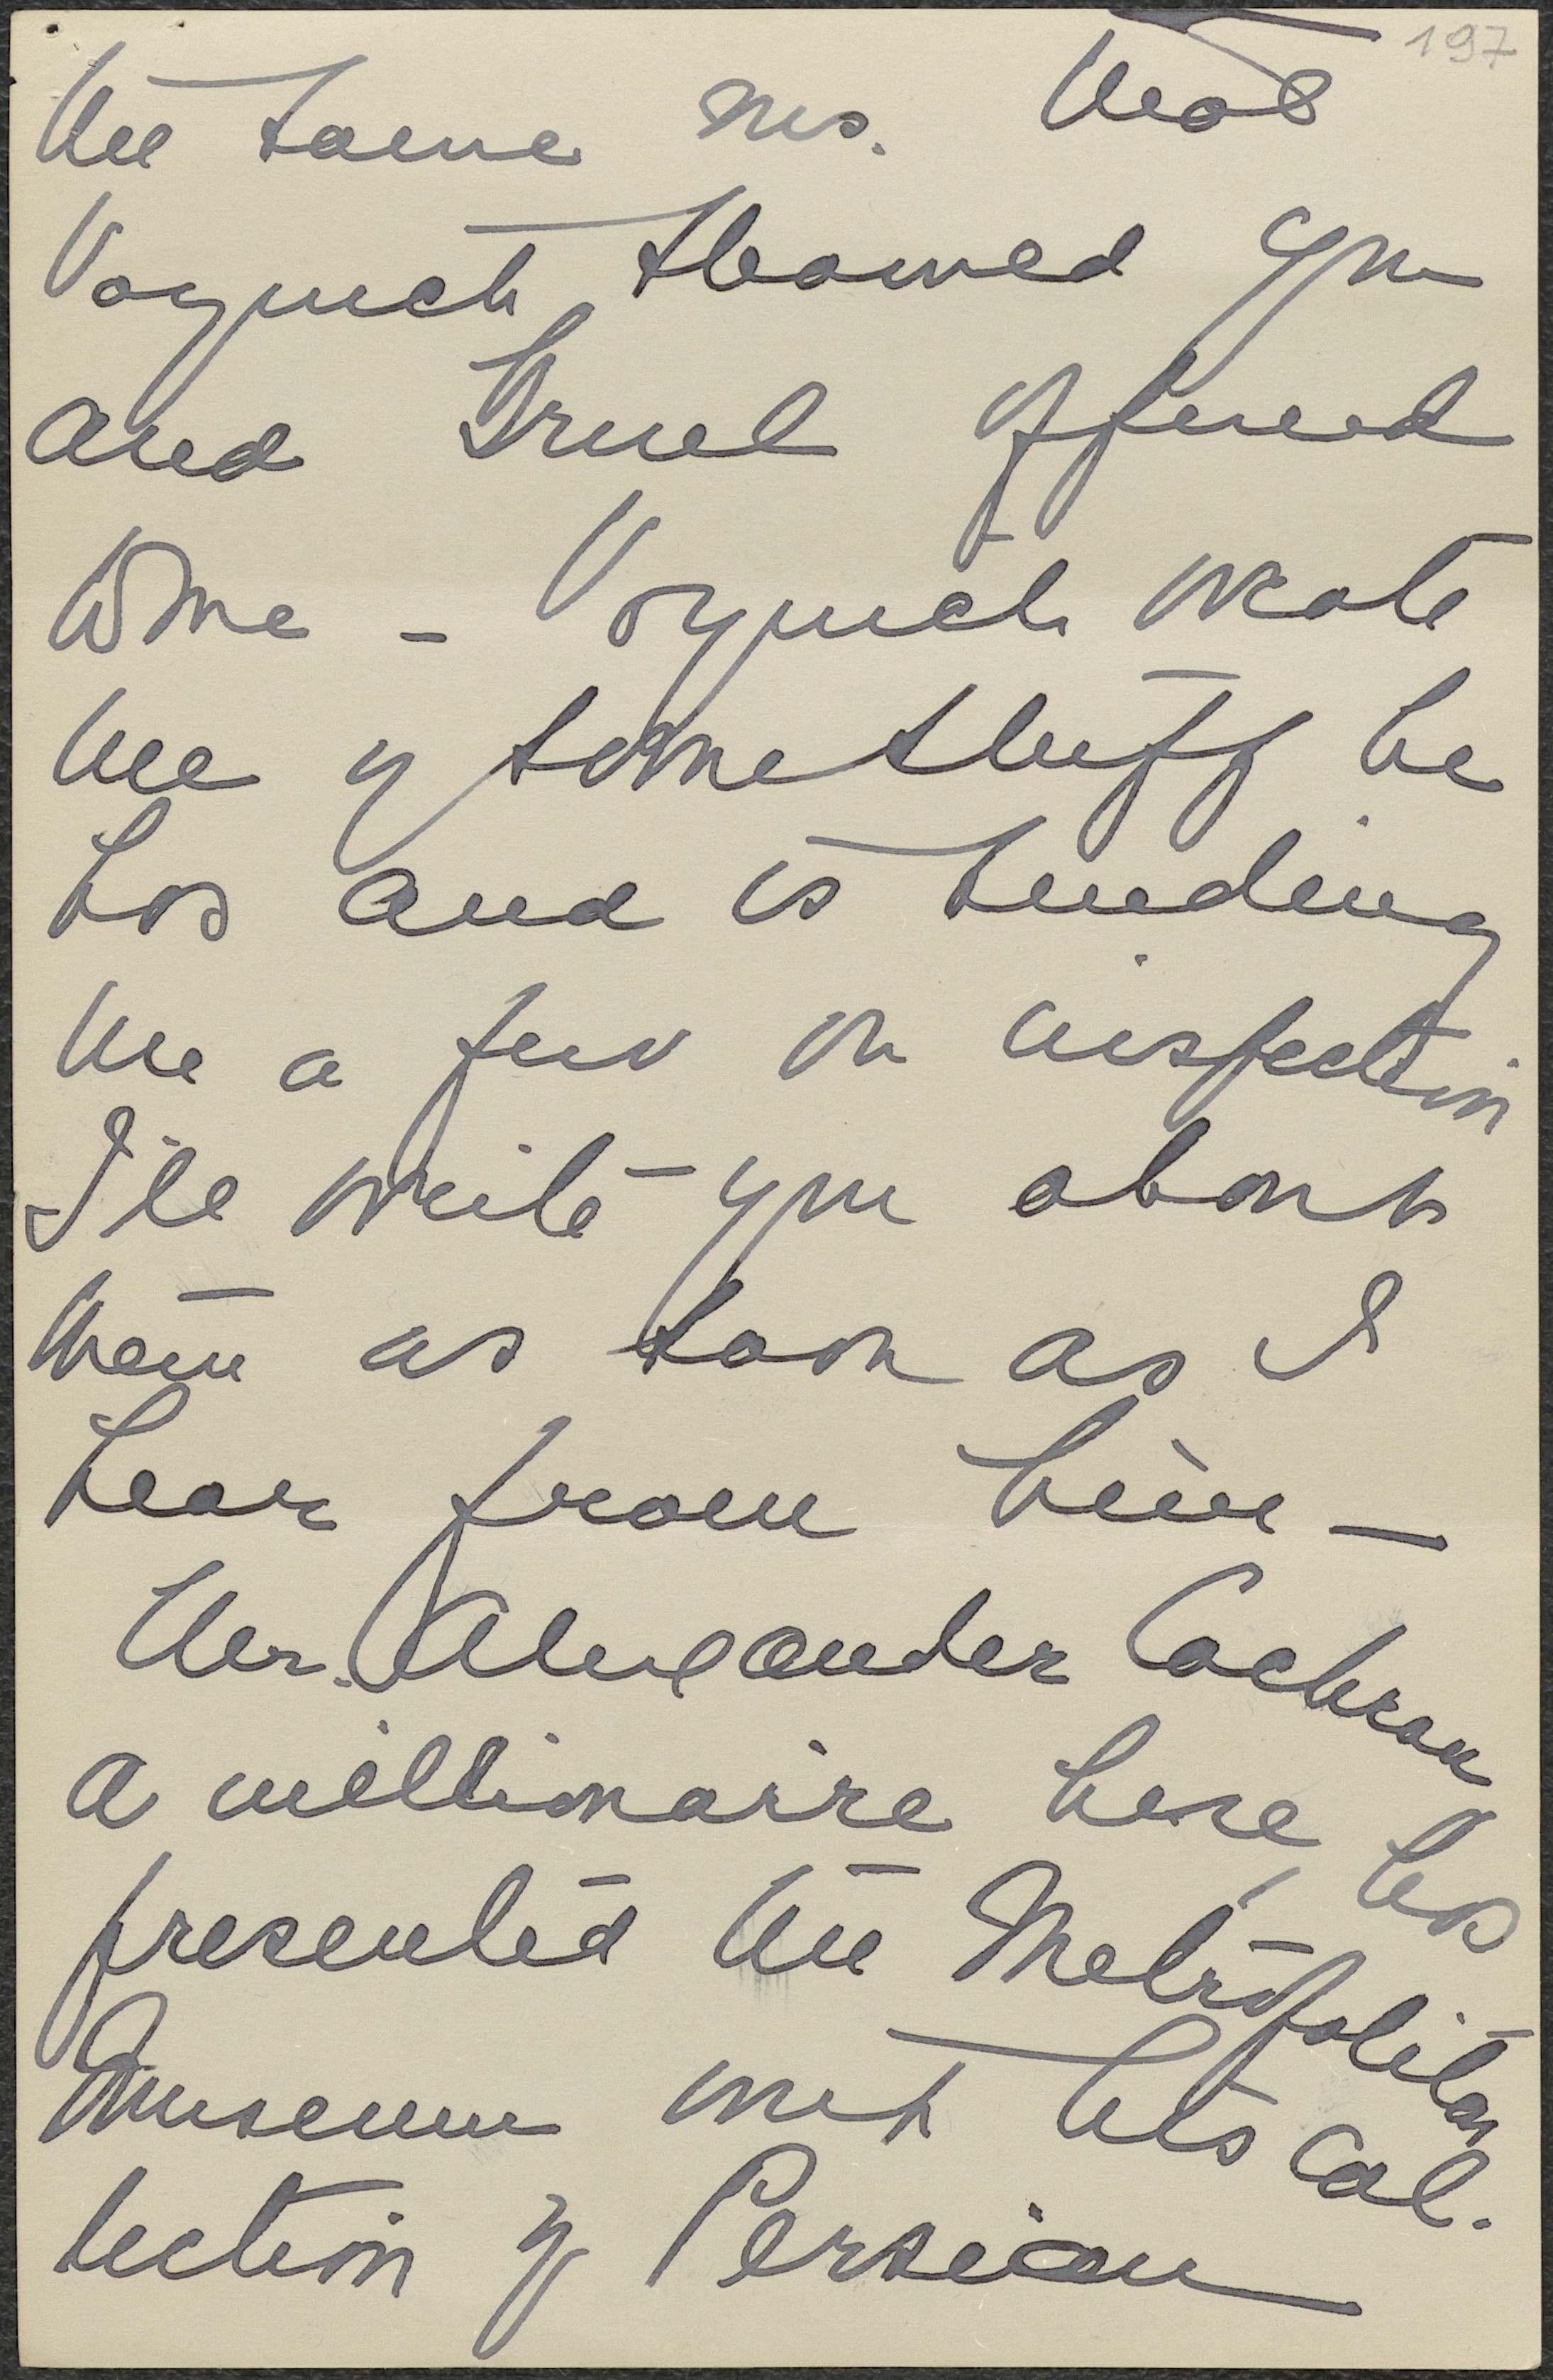the same mss. that Voynich showed you and Gruel offered to me – Voynich wrote me of some stuff he had and is sending me a few on inspection I’ll write you about them as soon as I hear from him – Mr. Alexander Cochran a millionaire here has presented the Metropolitan Museum with his collection of Persian